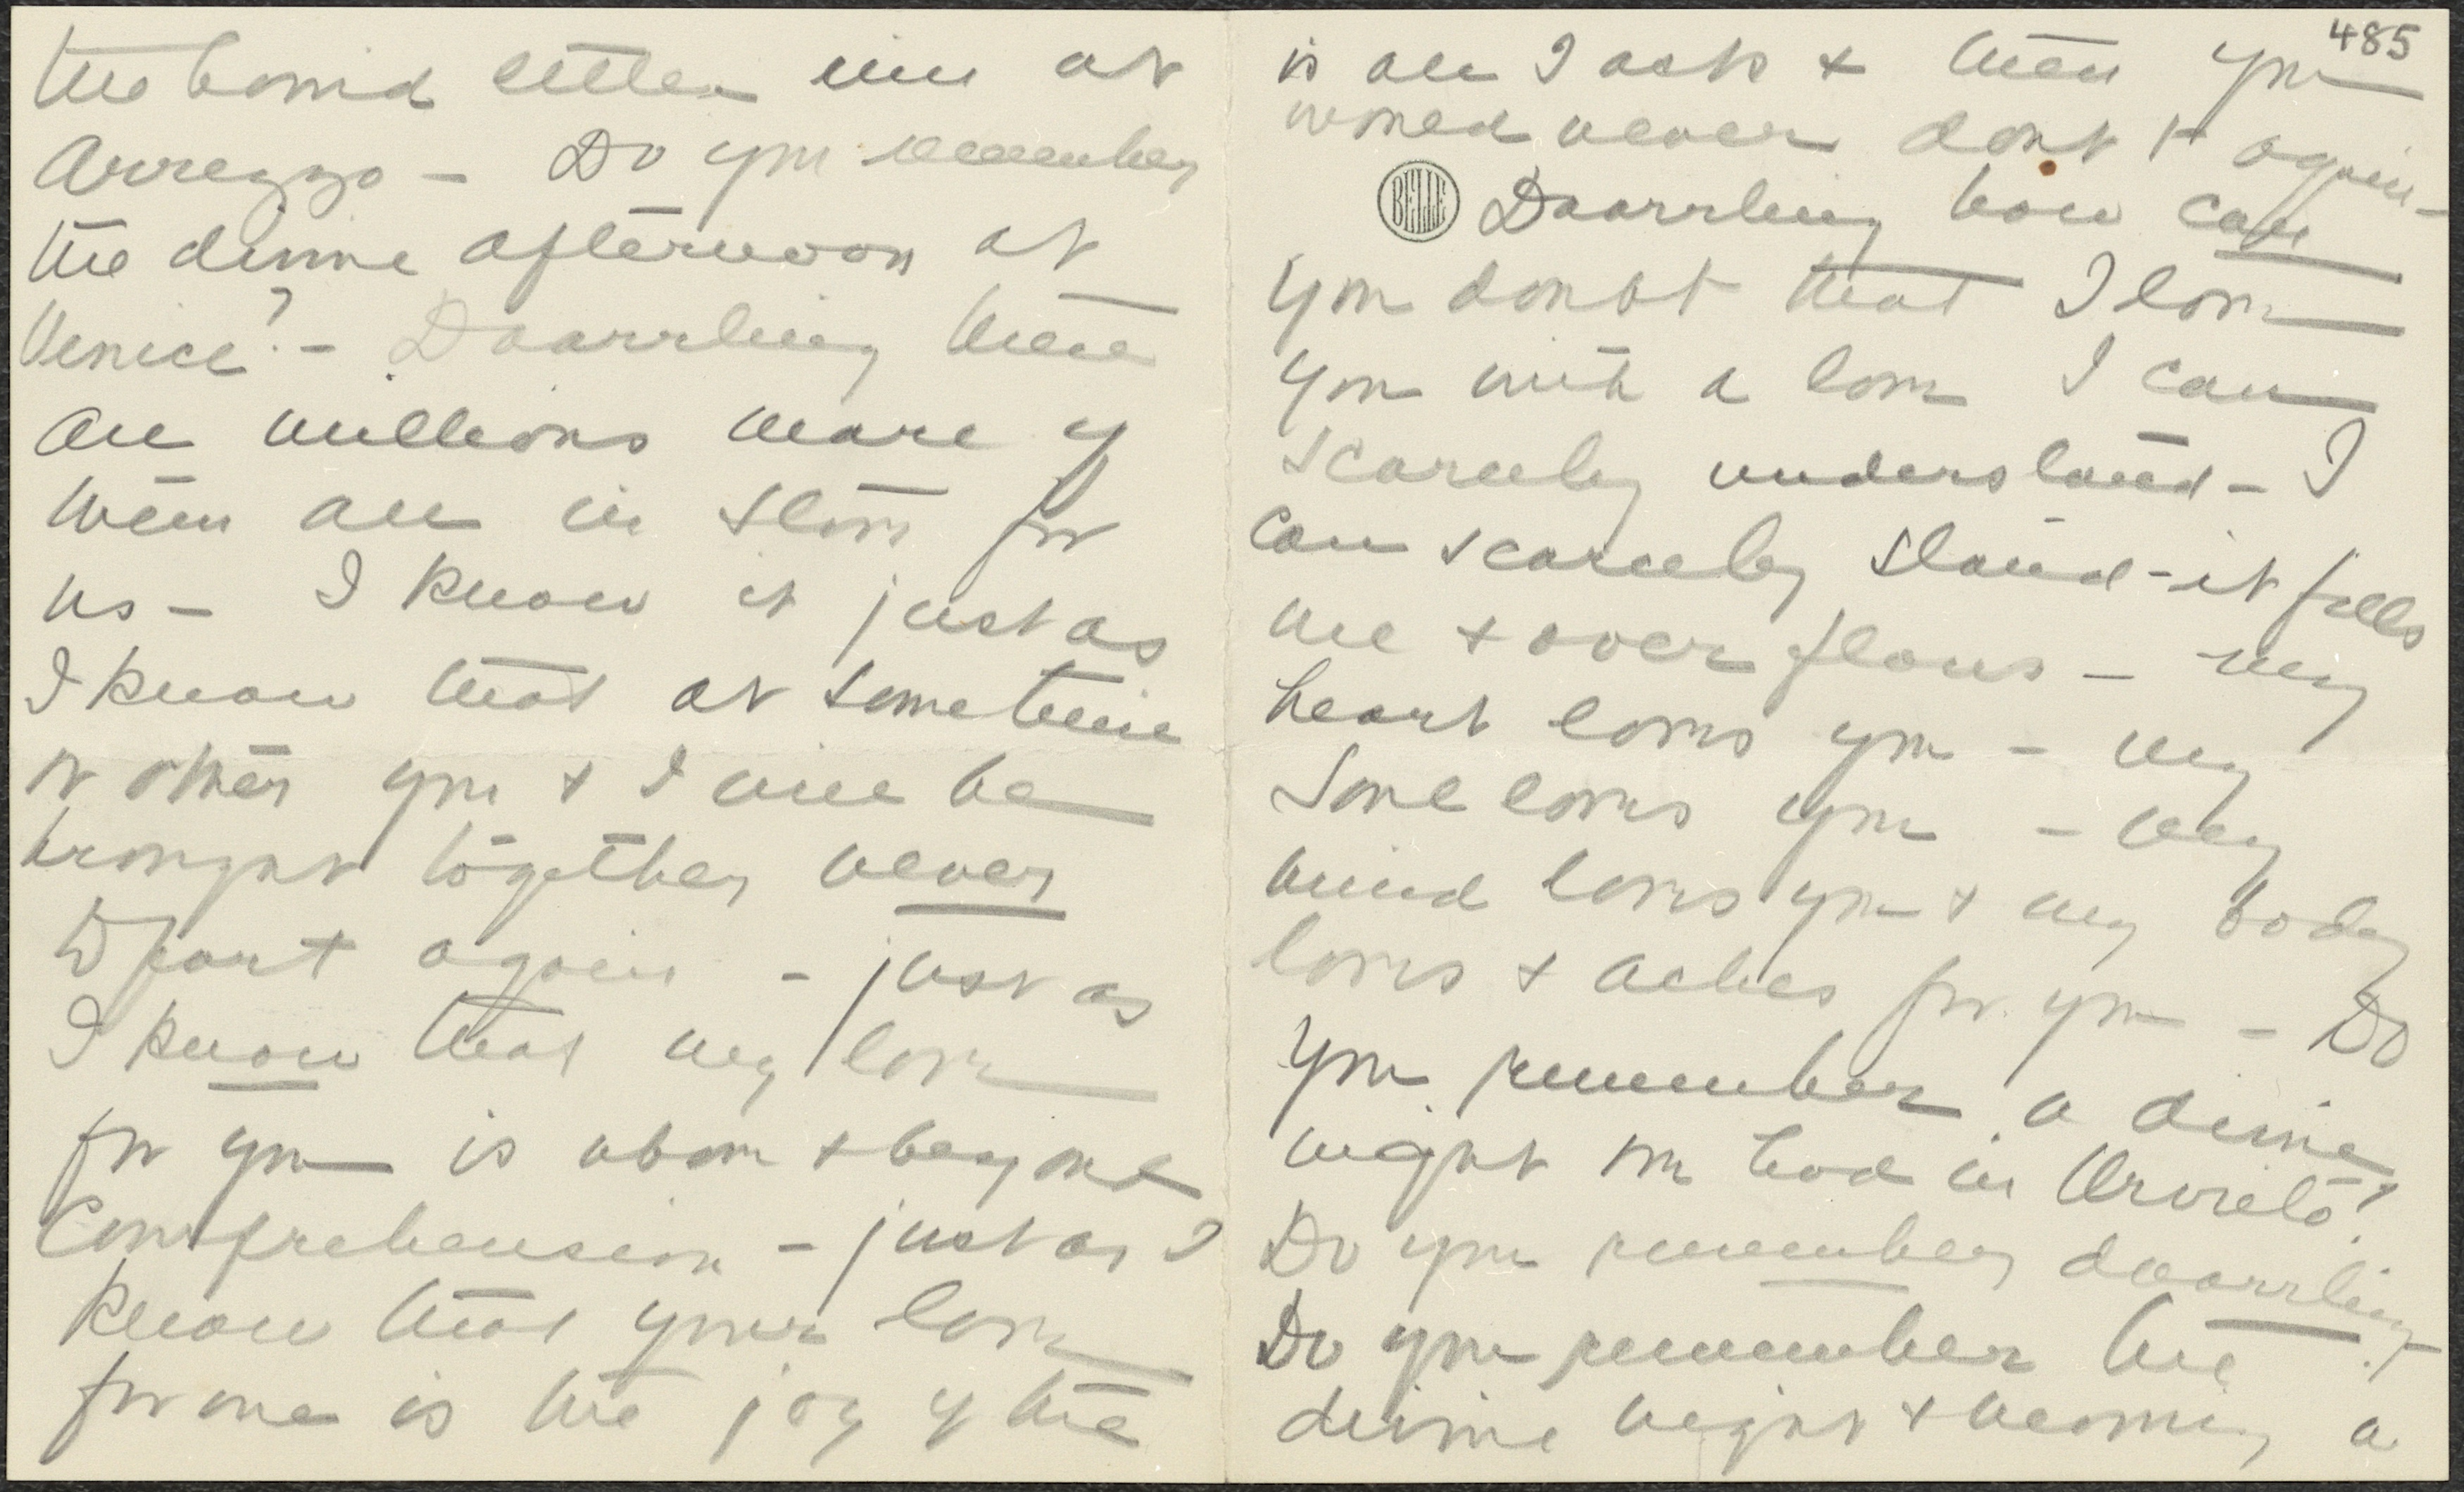is all I ask & then you would never doubt again – Daarrling how can you doubt that I love you with a love I can scarcely understand – I can scarcely stand – it fills me & over flows – my heart loves you – my soul loves you – my mind loves you – & my body loves & aches for you – Do you remember a divine night we had in Orvieto? Do you remember daarrling – Do you remember the divine night & morning a[t]
the horrid little inn at Arrezzo [sic] – Do you remember the divine afternoon at Venice? – Daarrling there are millions more of them all in store for us – I know it just as I know that at sometime or other you & I will be brought together never to part again – just as I know that my love for you is above & beyond comprehension – just as I know that your love for me is the joy of the